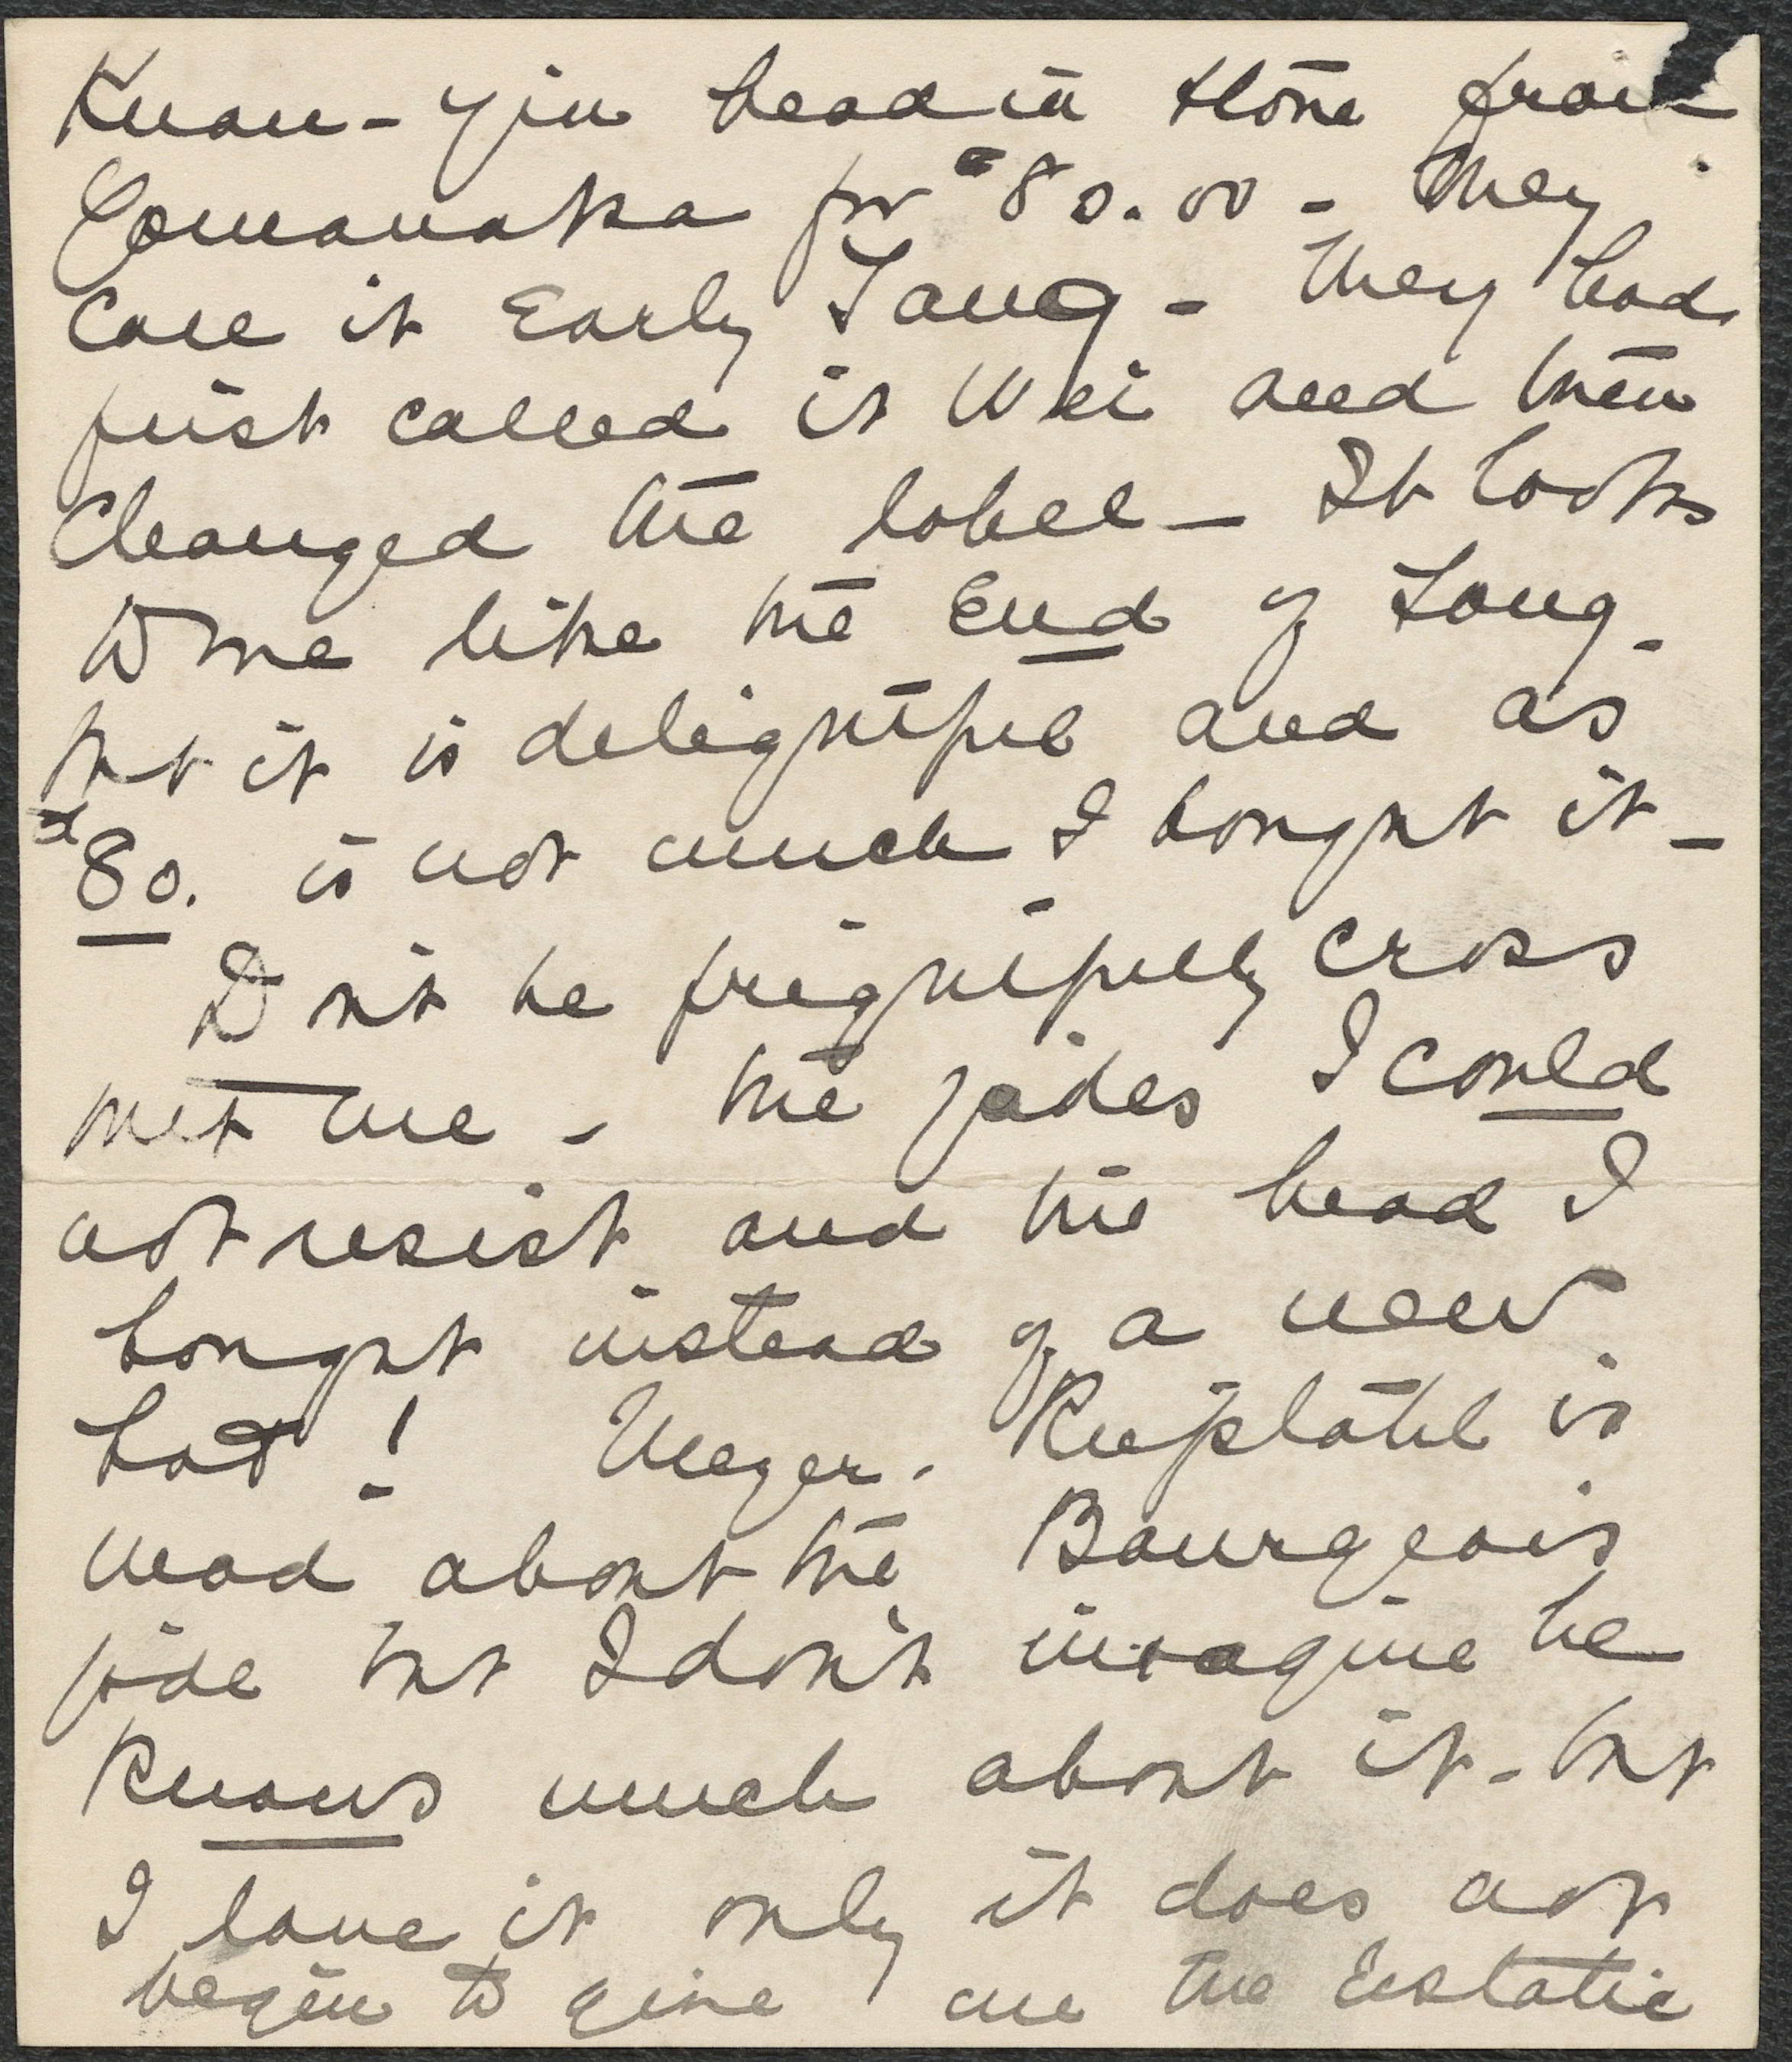Kuan-yin head in stone from Yamanaka for $80.00 – they call it early Tang – they had first called it Wei and then changed the label – It looks to me like the end of Tang – but it is delightful and as $80. is not much I bought it –
Don’t be frightfully cross with me – the jades I could not resist and the head I bought instead of a new hat! Meyer-Riefstahl is mad about the Bourgeois jade but I don’t imagine he knows much about it – but I love it only it does not begin to give me the ecstatic